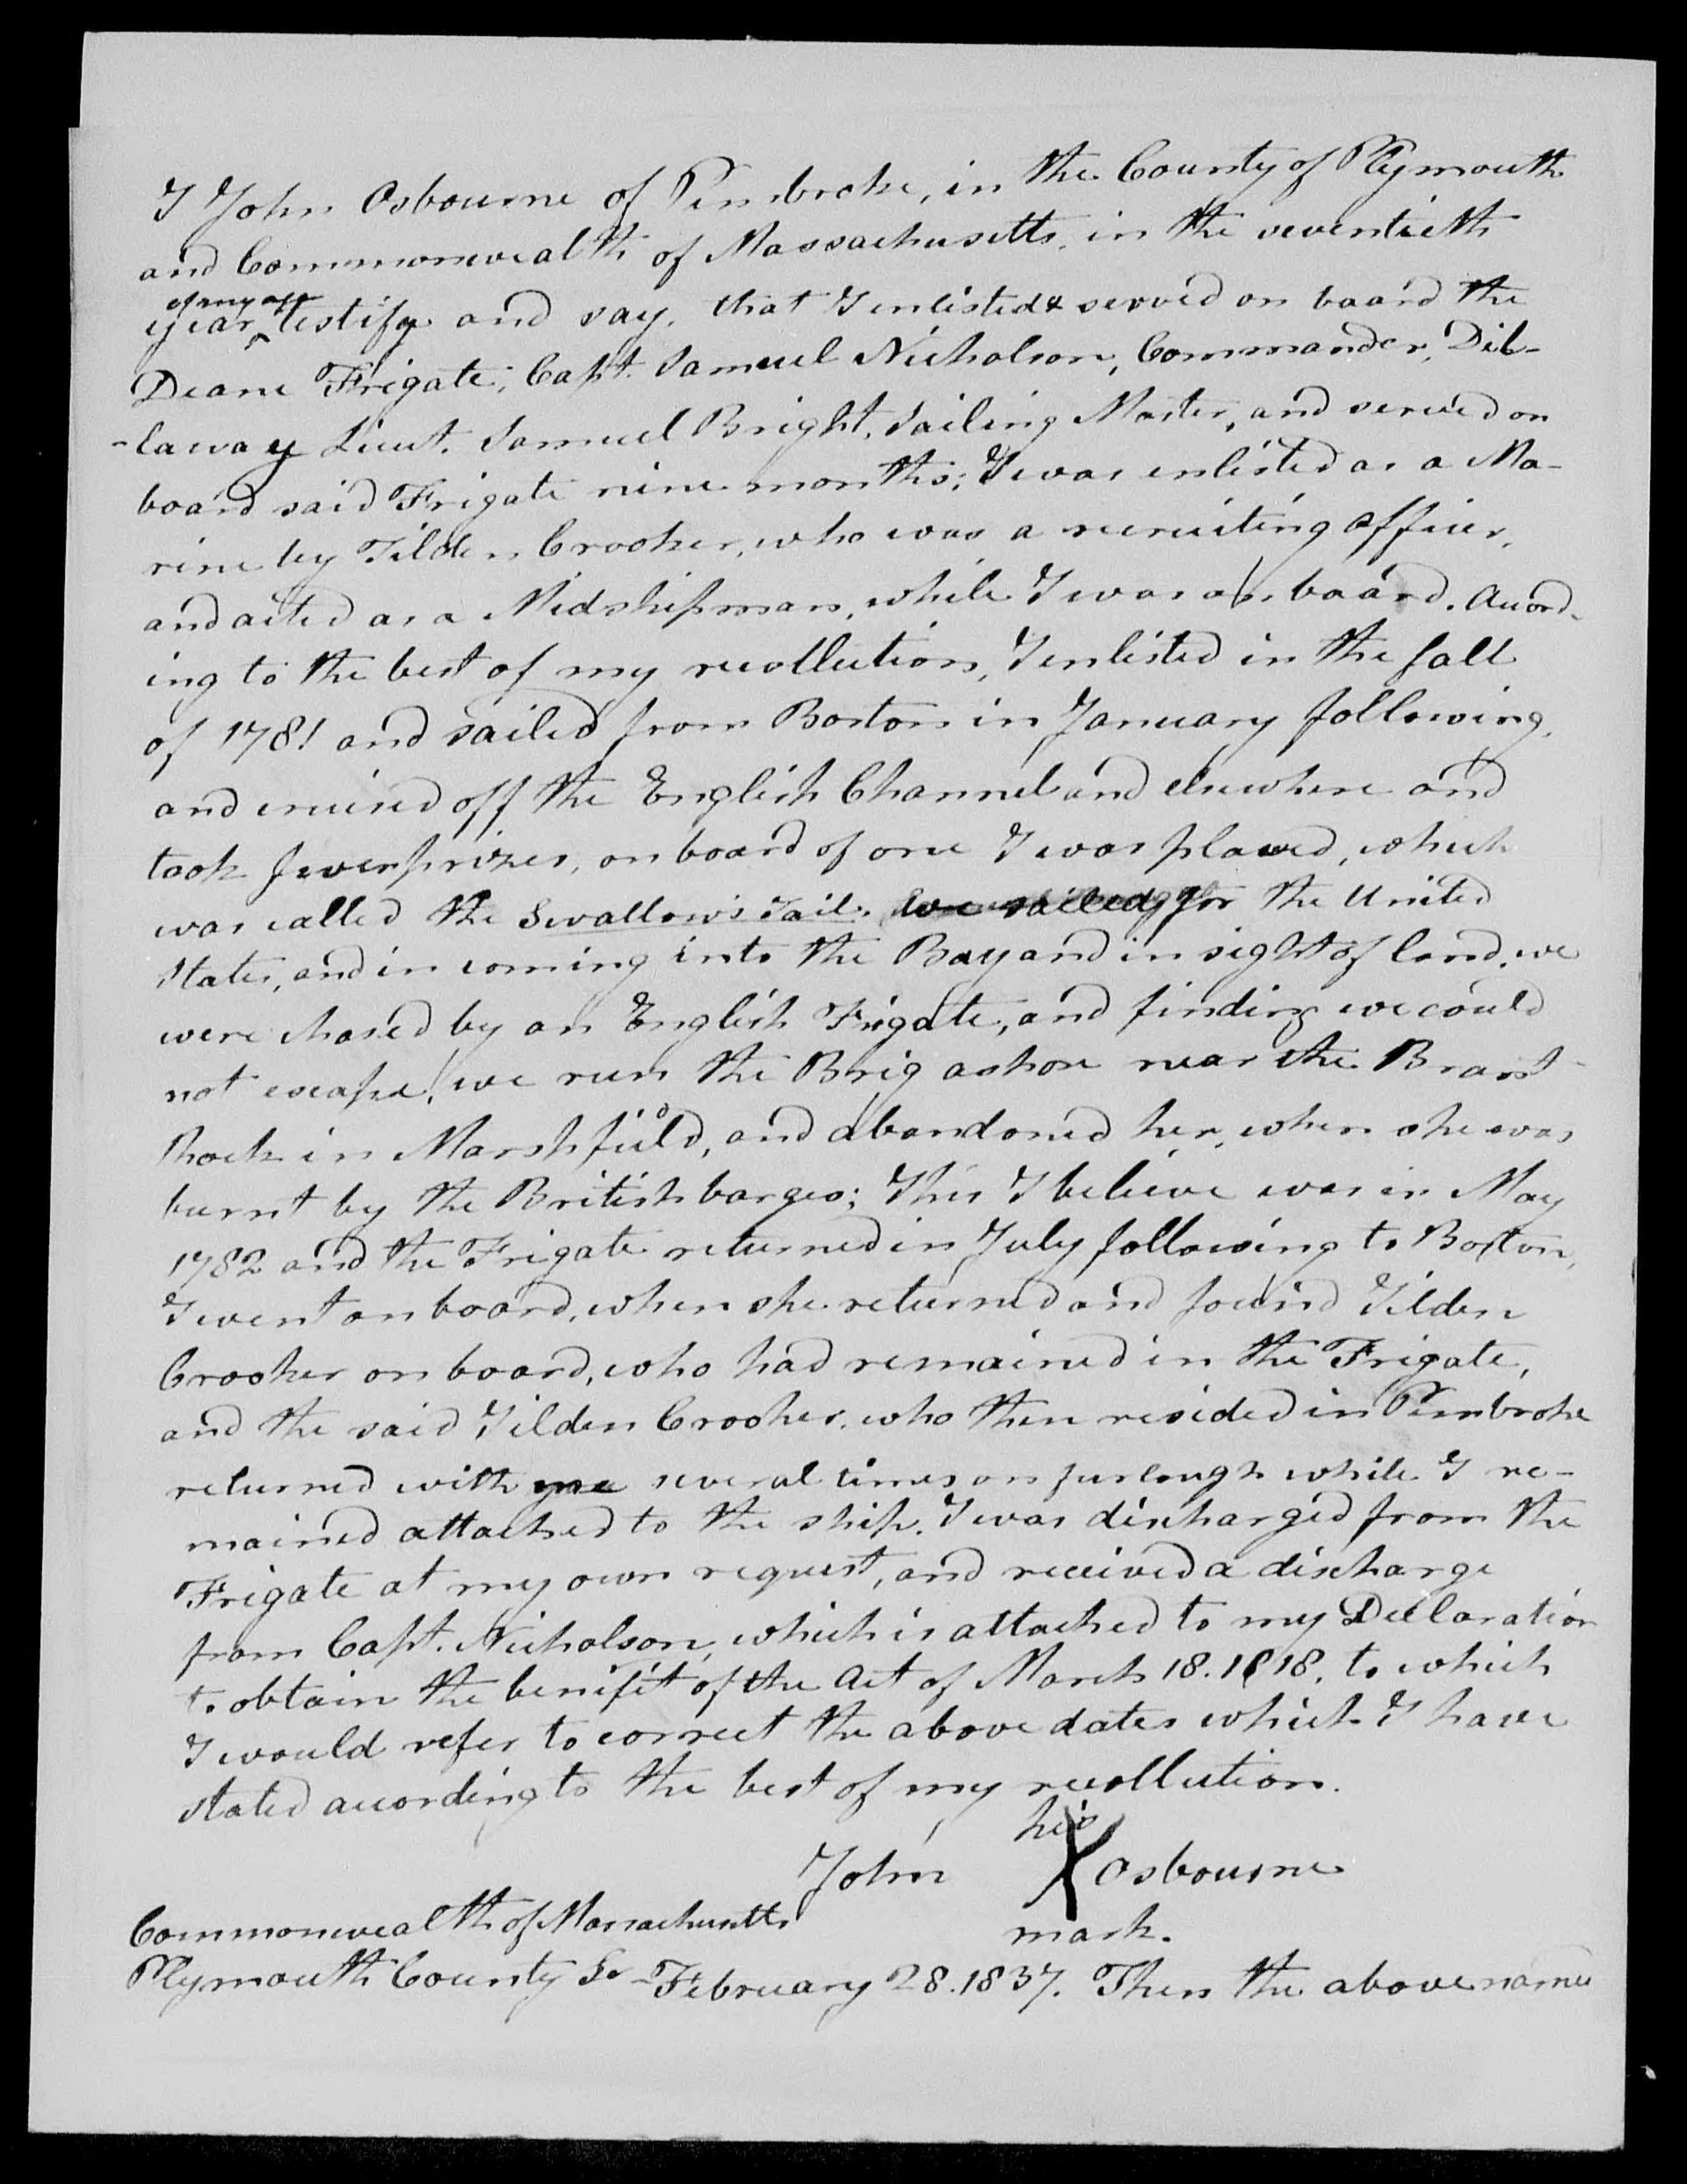I John Osbourne of Pembroke in the County of Plymouth and Commonwealth of Massachusetts in the seventieth year of my age testify and say that I enlisted and served on board the Deane Frigate, Capt. Samuel Nicholson, Commander Dillaway, Lieut. Samuel Bright, Sailing Master, and served on board said Frigate nine months; I was enlisted  as a Mariner by Tilden Crooker, who was a recruiting officer, and acted as a Midshipman, while I was on board, and to the best of my recollection, I enlisted in the fall of  1781 and sailed from Boston in January following and cruised off the English Channel and elsewhere and took ? prizes, on board of one I was placed, which was called the Swallow's Tail.  we sailed for the United States, and incoming into the Bay and in sight of land we were chased by an English frigate, and findings we could not escape, we run the Brig ashore near the Brant Rock in Marshalfield, and abandoned her when    she was burnt by the British barges; This I believe was in May 1782 and the Frigate returned in July following  to Boston, I went to board, when returned and ? Tilden Crooker on board, who had remained in the Frigate, and the said Tilden Crooker who then resided in Pembroke returned with me several times on furlough while I remained attached to the ship.  I was discharged from the Frigate at my own request, and received a discharge from Capt. Nicholson, which is attached to my declaration to obtain the benefit of the Act of March 18, 1818, to which I would refer to correct the above dates which I have stated according to the best of my recollection.

John Osbourne (his mark)

Commonwealth of Massachusetts
Plymouth County 
February 28, 1837.
Then the above named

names: Nicholson, Tilden Crooker, Tilden Crooker, John Osbourne, John Osbourne, Bayard, Tilden Crooker, Dillaway, Samuel Nicholson, Samuel Bright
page: 21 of 33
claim: widow's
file: W. 22862, Tilden Crooker, Mass Navy